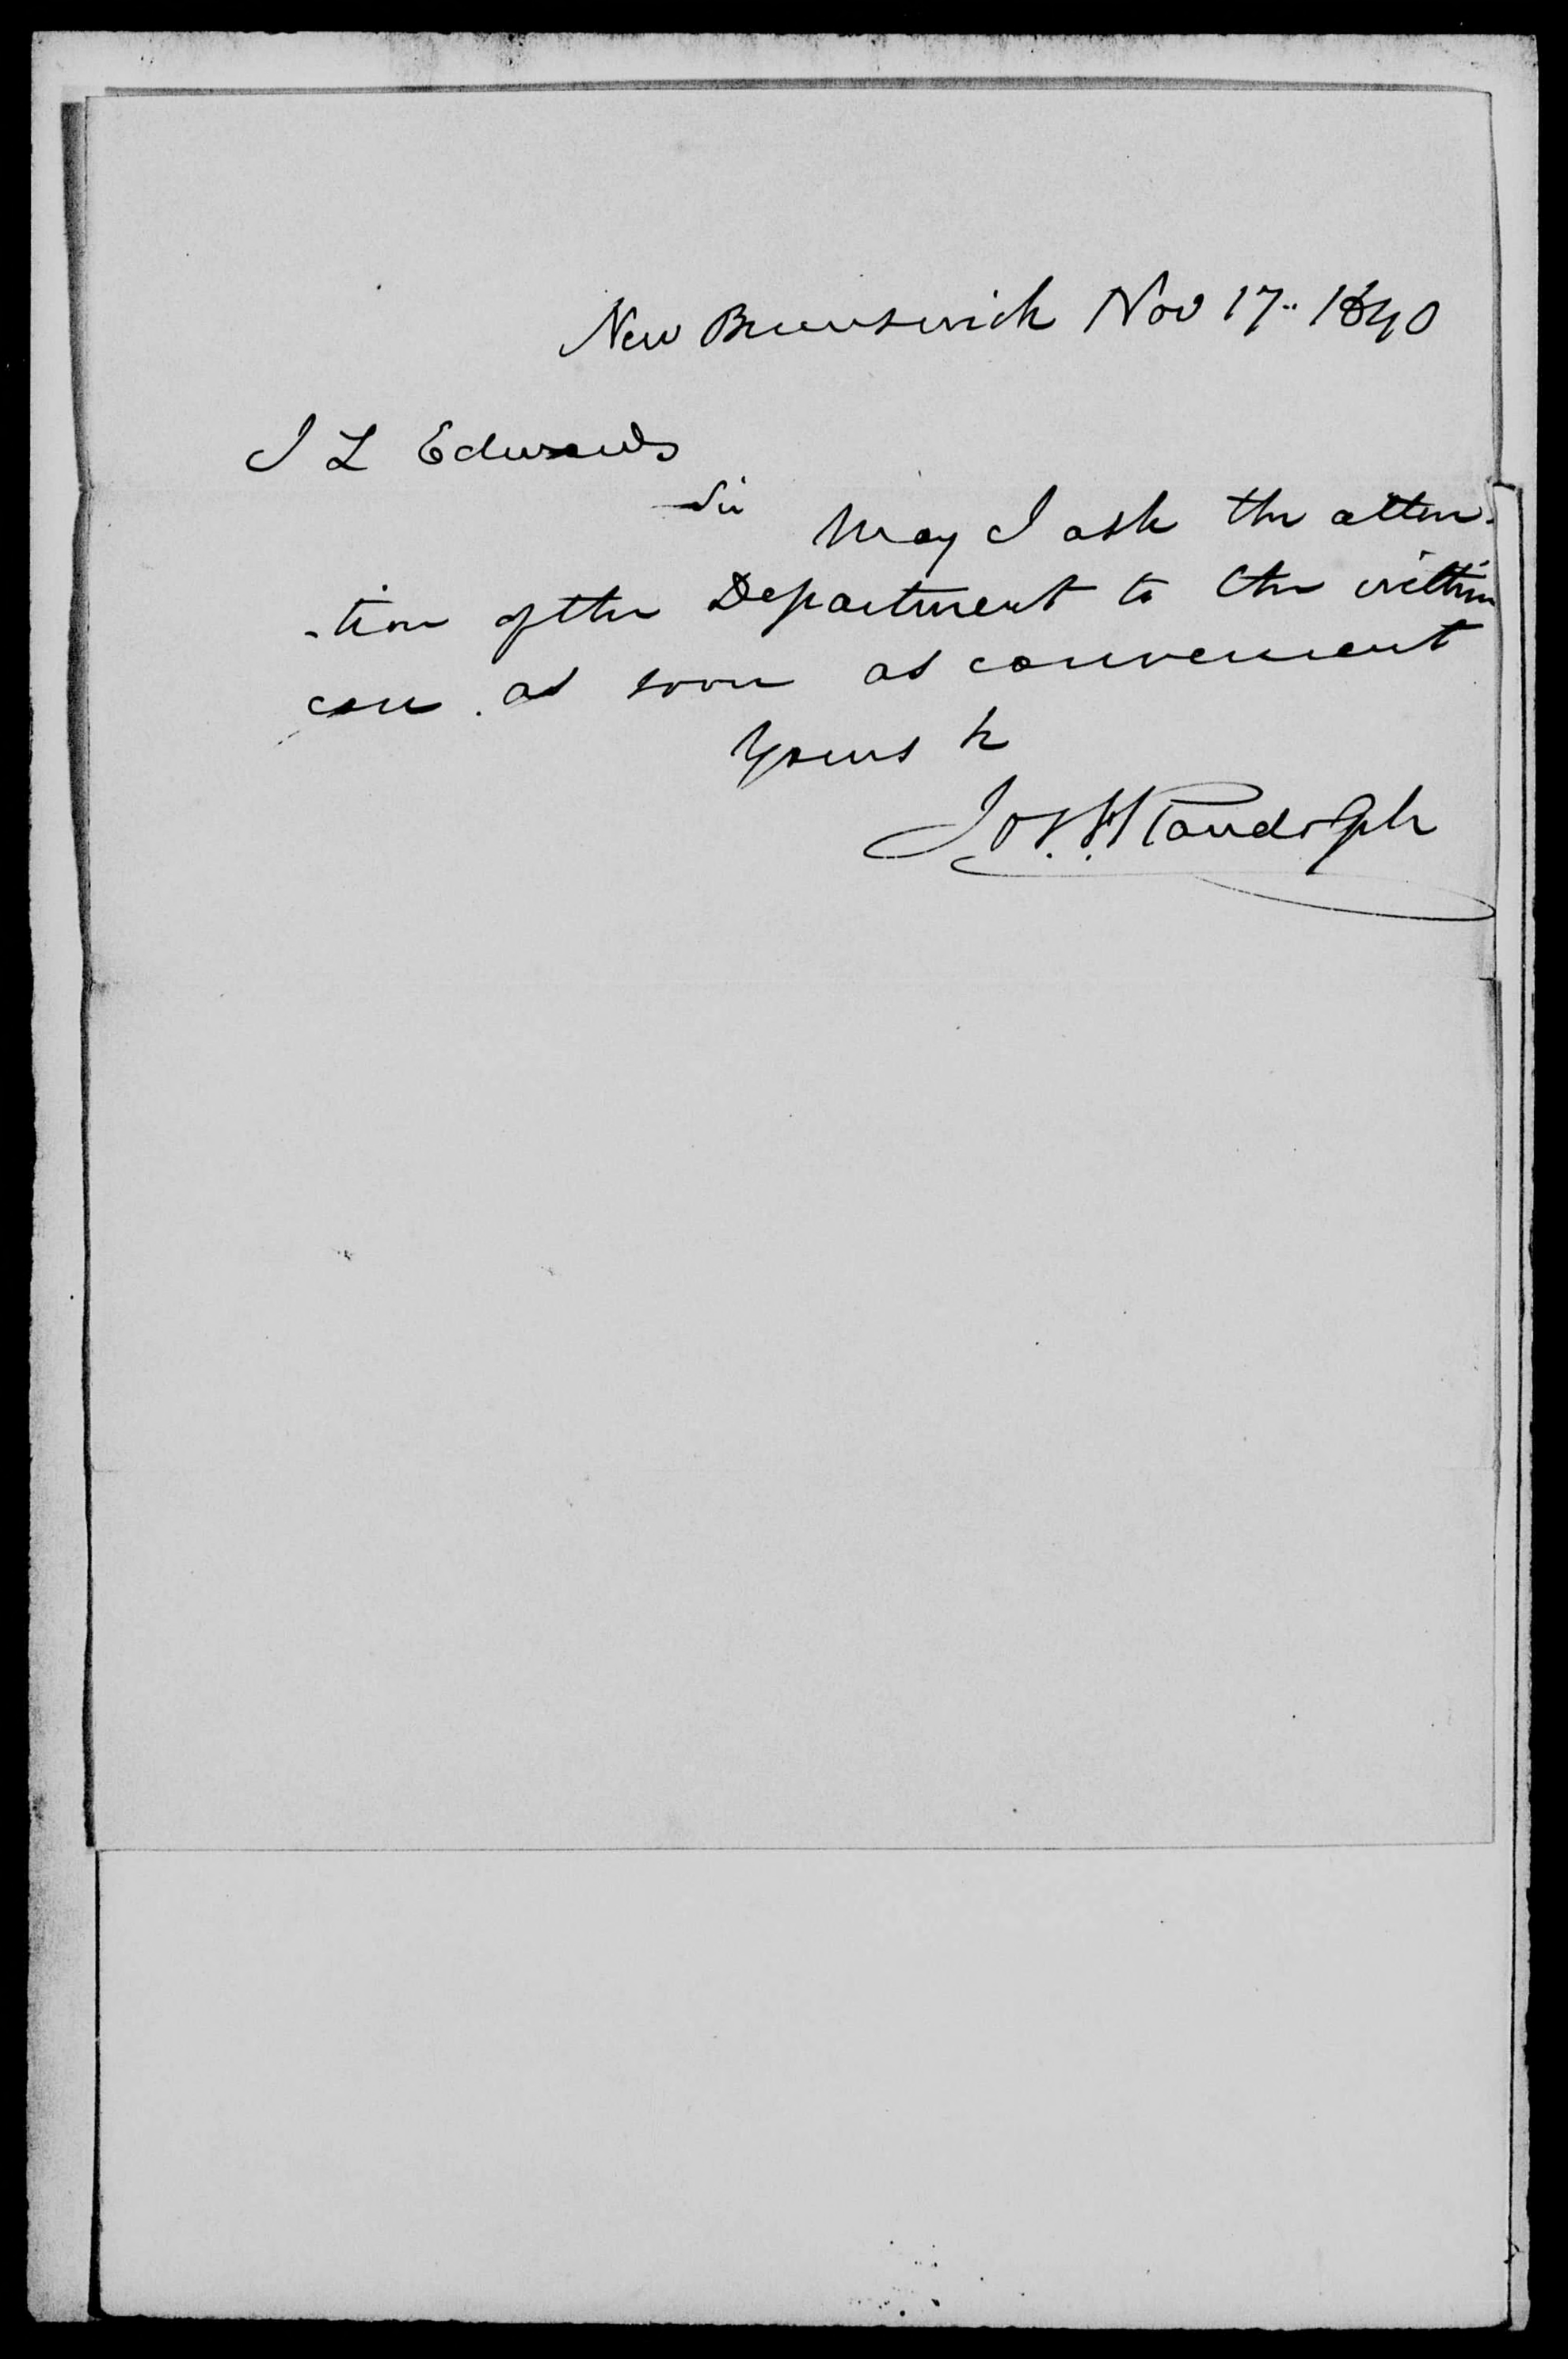New Brunswick Nov 17 - 1890
J L Edwards
    Sir May I ask the attention of the Department to the within case as soon as convenient 
Yours t
Jos F Randolph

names: Jos F Randolph, J L Edwards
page: 24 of 77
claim: widow's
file: W. 417, William De Groot, New Jersey